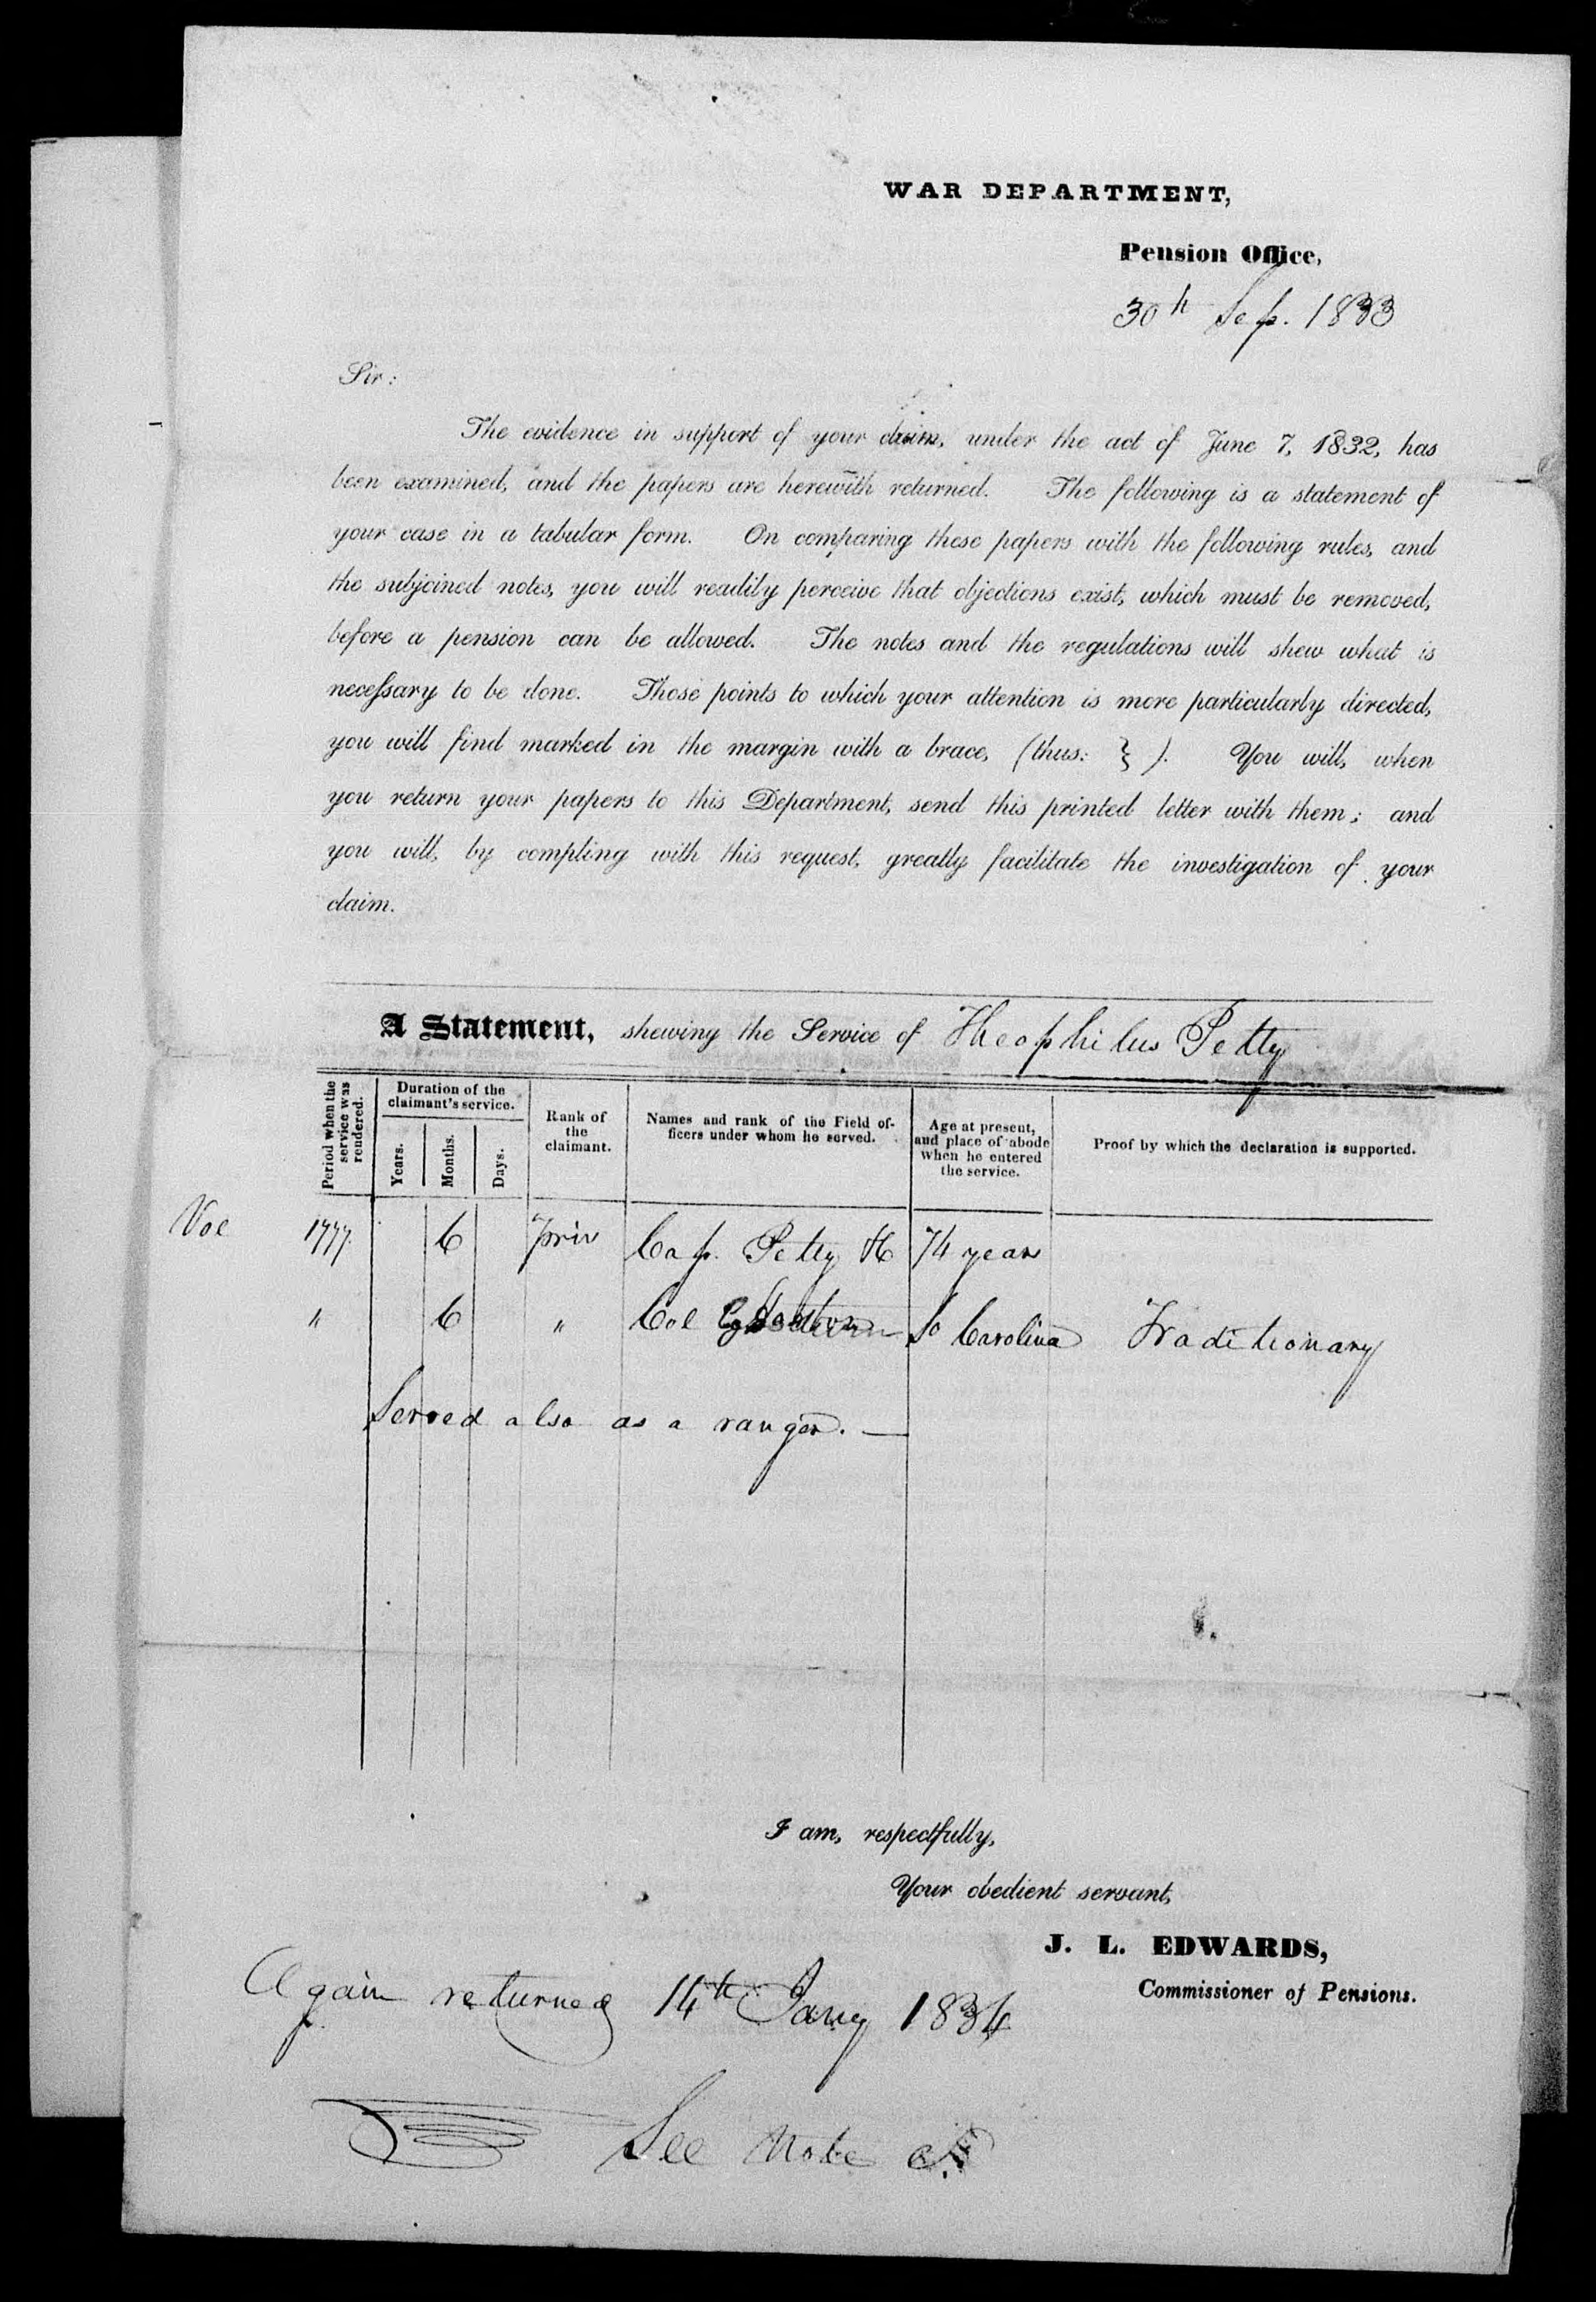WAR DEPARTMENT
Pension Office
30th Sep 1833
Sir
The evidence in support of your claim, under the act of June 7, 1832, has been examined, and the papers are herewith returned. The following is a statement of your case in a tabular form. On comparing these papers with the following rules, and the subjoined notes, you will readily perceive that objections exist, which must be removed before a pension can be allowed. The notes and the regulations will show what is necessary to be done. Those points to which your attention is more particularly directed, you will find marked in the margin with a brace, (thus}). You will when you return your papers to this Department, send this printed letter with them; and you will, by complying with this request, greatly facilitate the investigation of your claim.
A Statement, shewing the Service of the Service of Theophilus Petty

Period when the service was rendered 
Vol 1777
"
Duration of the claimants service Years/months/days
6 months
6 months
 Rank of the claimant 
priv
"
Names and rank of the Field officers under whom he served 
Capt Petey H
Col Goodwin
Age at present and place of above when he entered the service 
74 years
So Carolina
Proof by which the declaration is supported.
Traditionary

Served also as a ranger

I am respectfully,
Your obedient servant,
JAMES L EDWARDS
Commissioner of Pensions
Again returning 14th Jany 1834
See note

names: Theophilus Petty; J L Edwards; [BLANK] Goodwin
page: 4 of 26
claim: rejected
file: R. 8,161, for Theophilus Petty, South Carolina